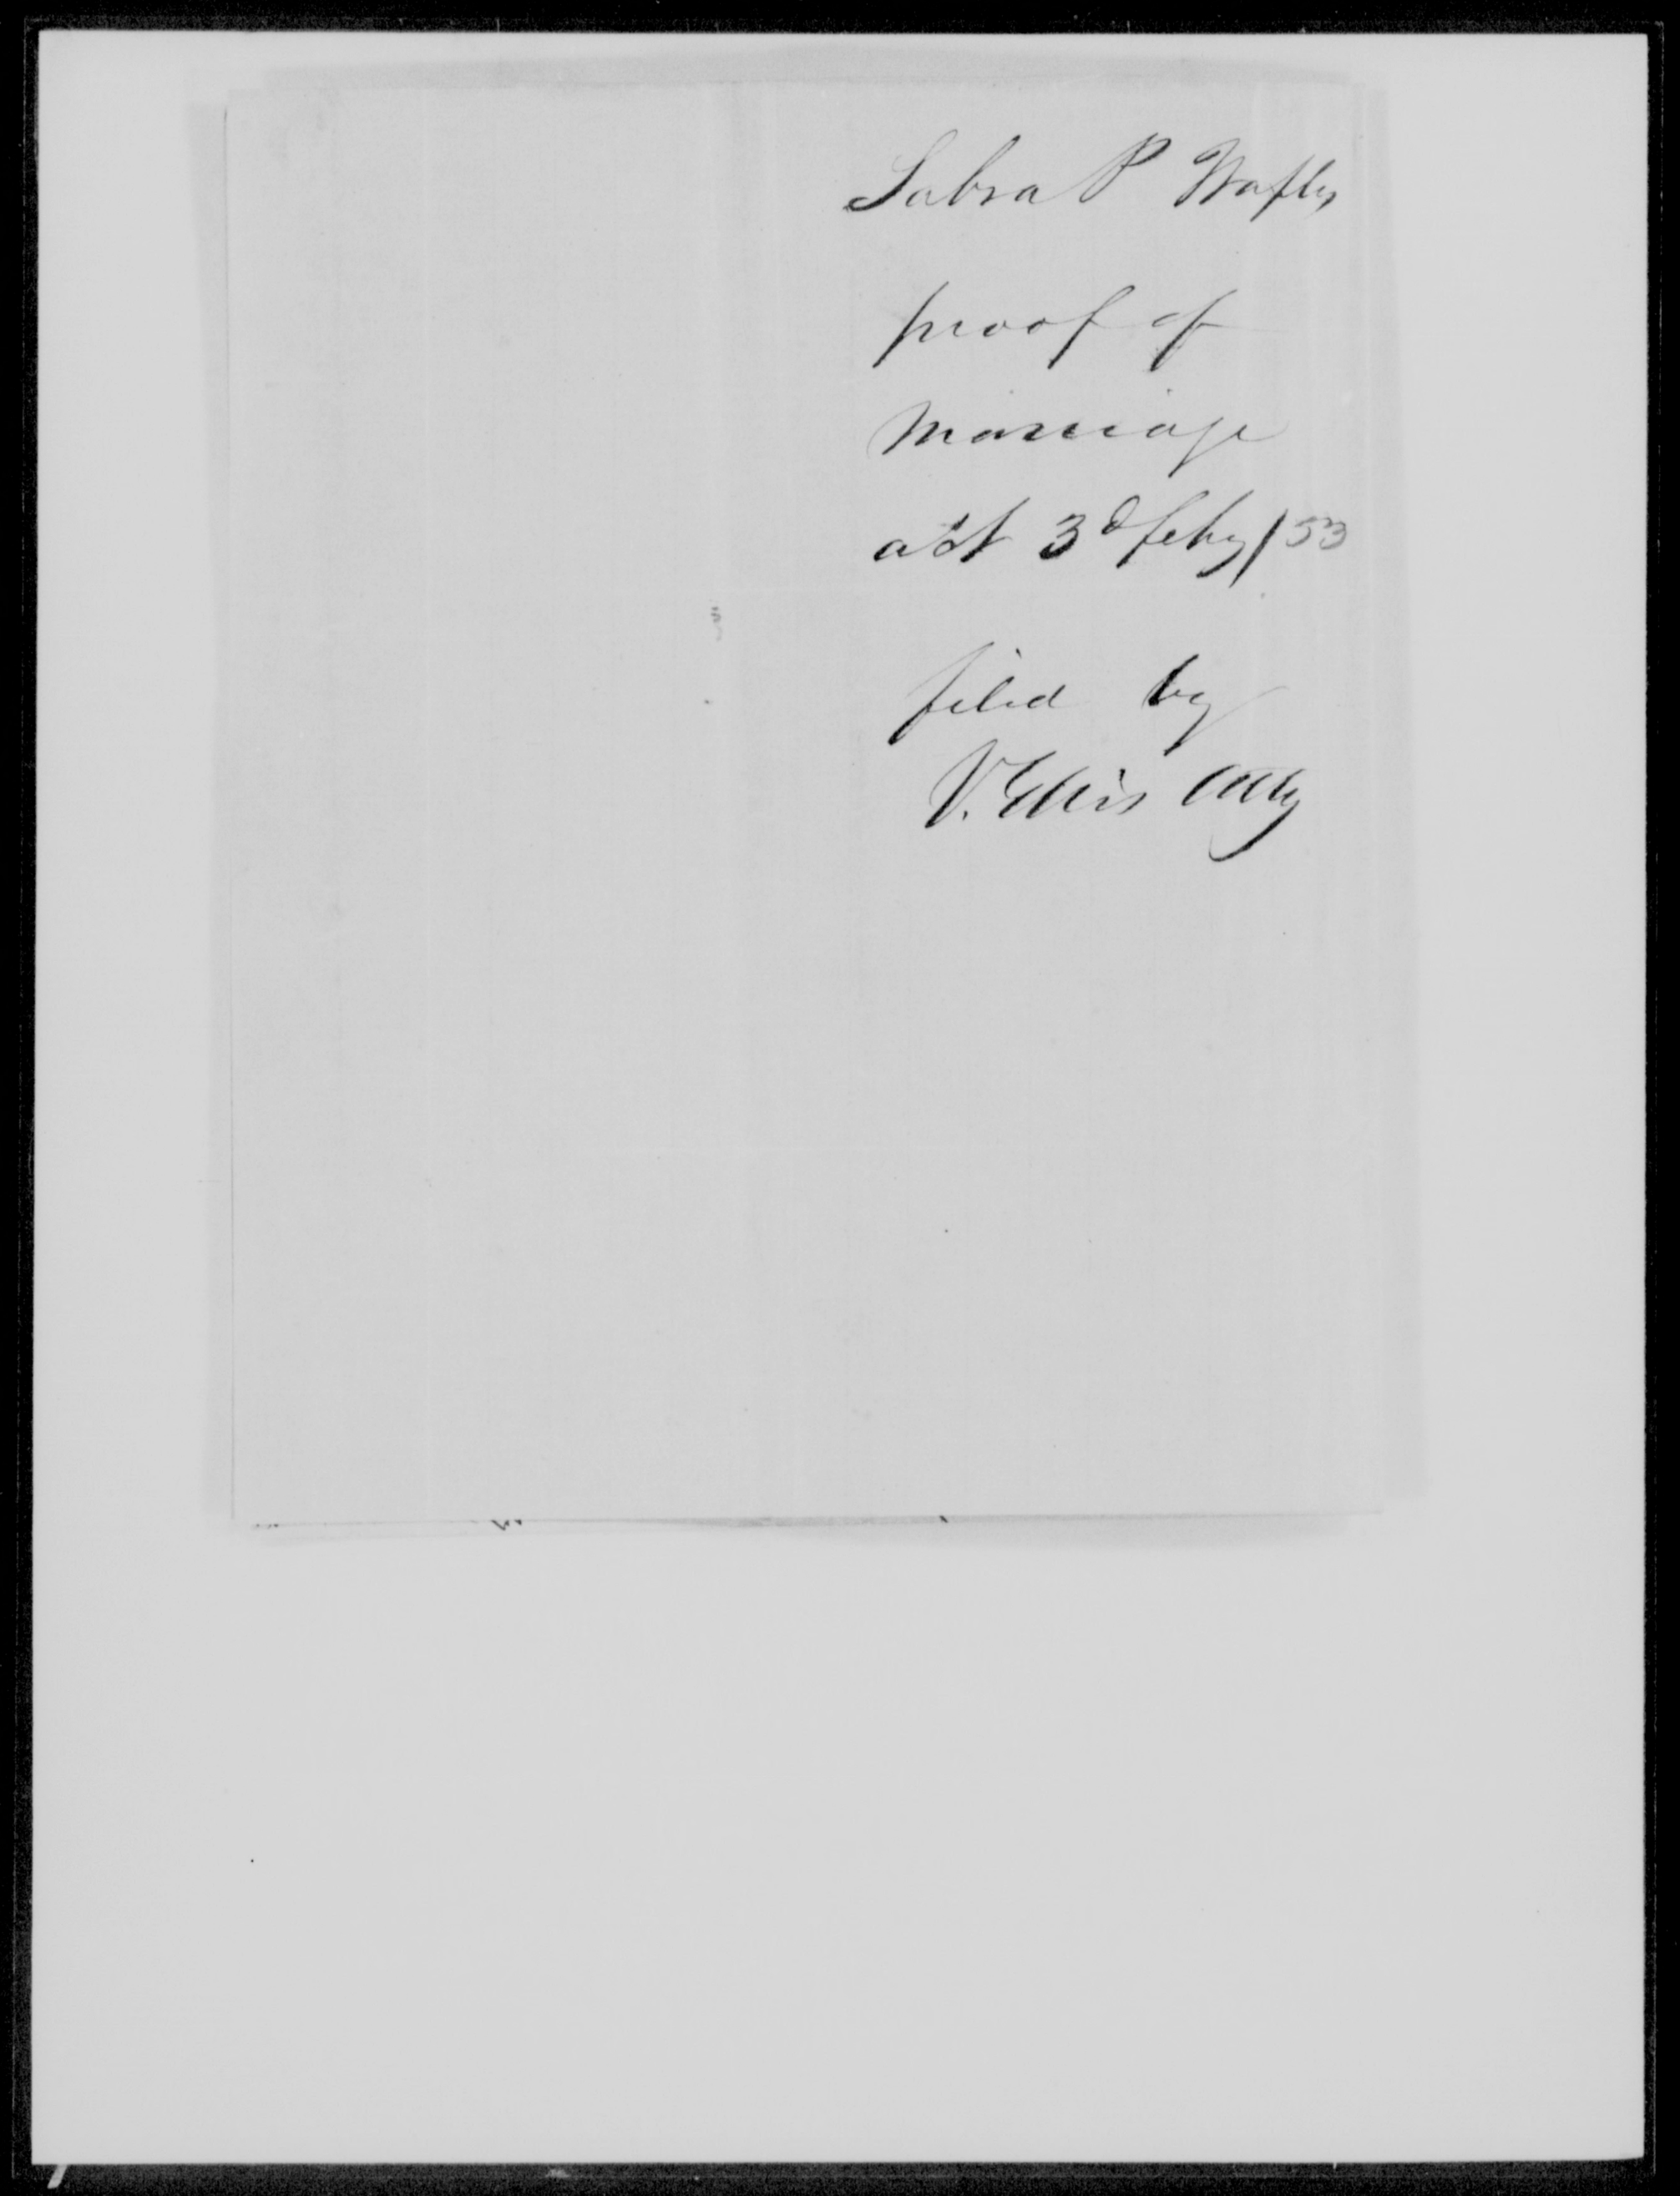Sabra P Waples
proof of marriage
Act 3d Feby/53
filed by V. Ellis Atty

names: Sabra P Waples, V Ellis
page: 6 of 59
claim: widow's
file: W. 6427, Samuel Waples, Va.